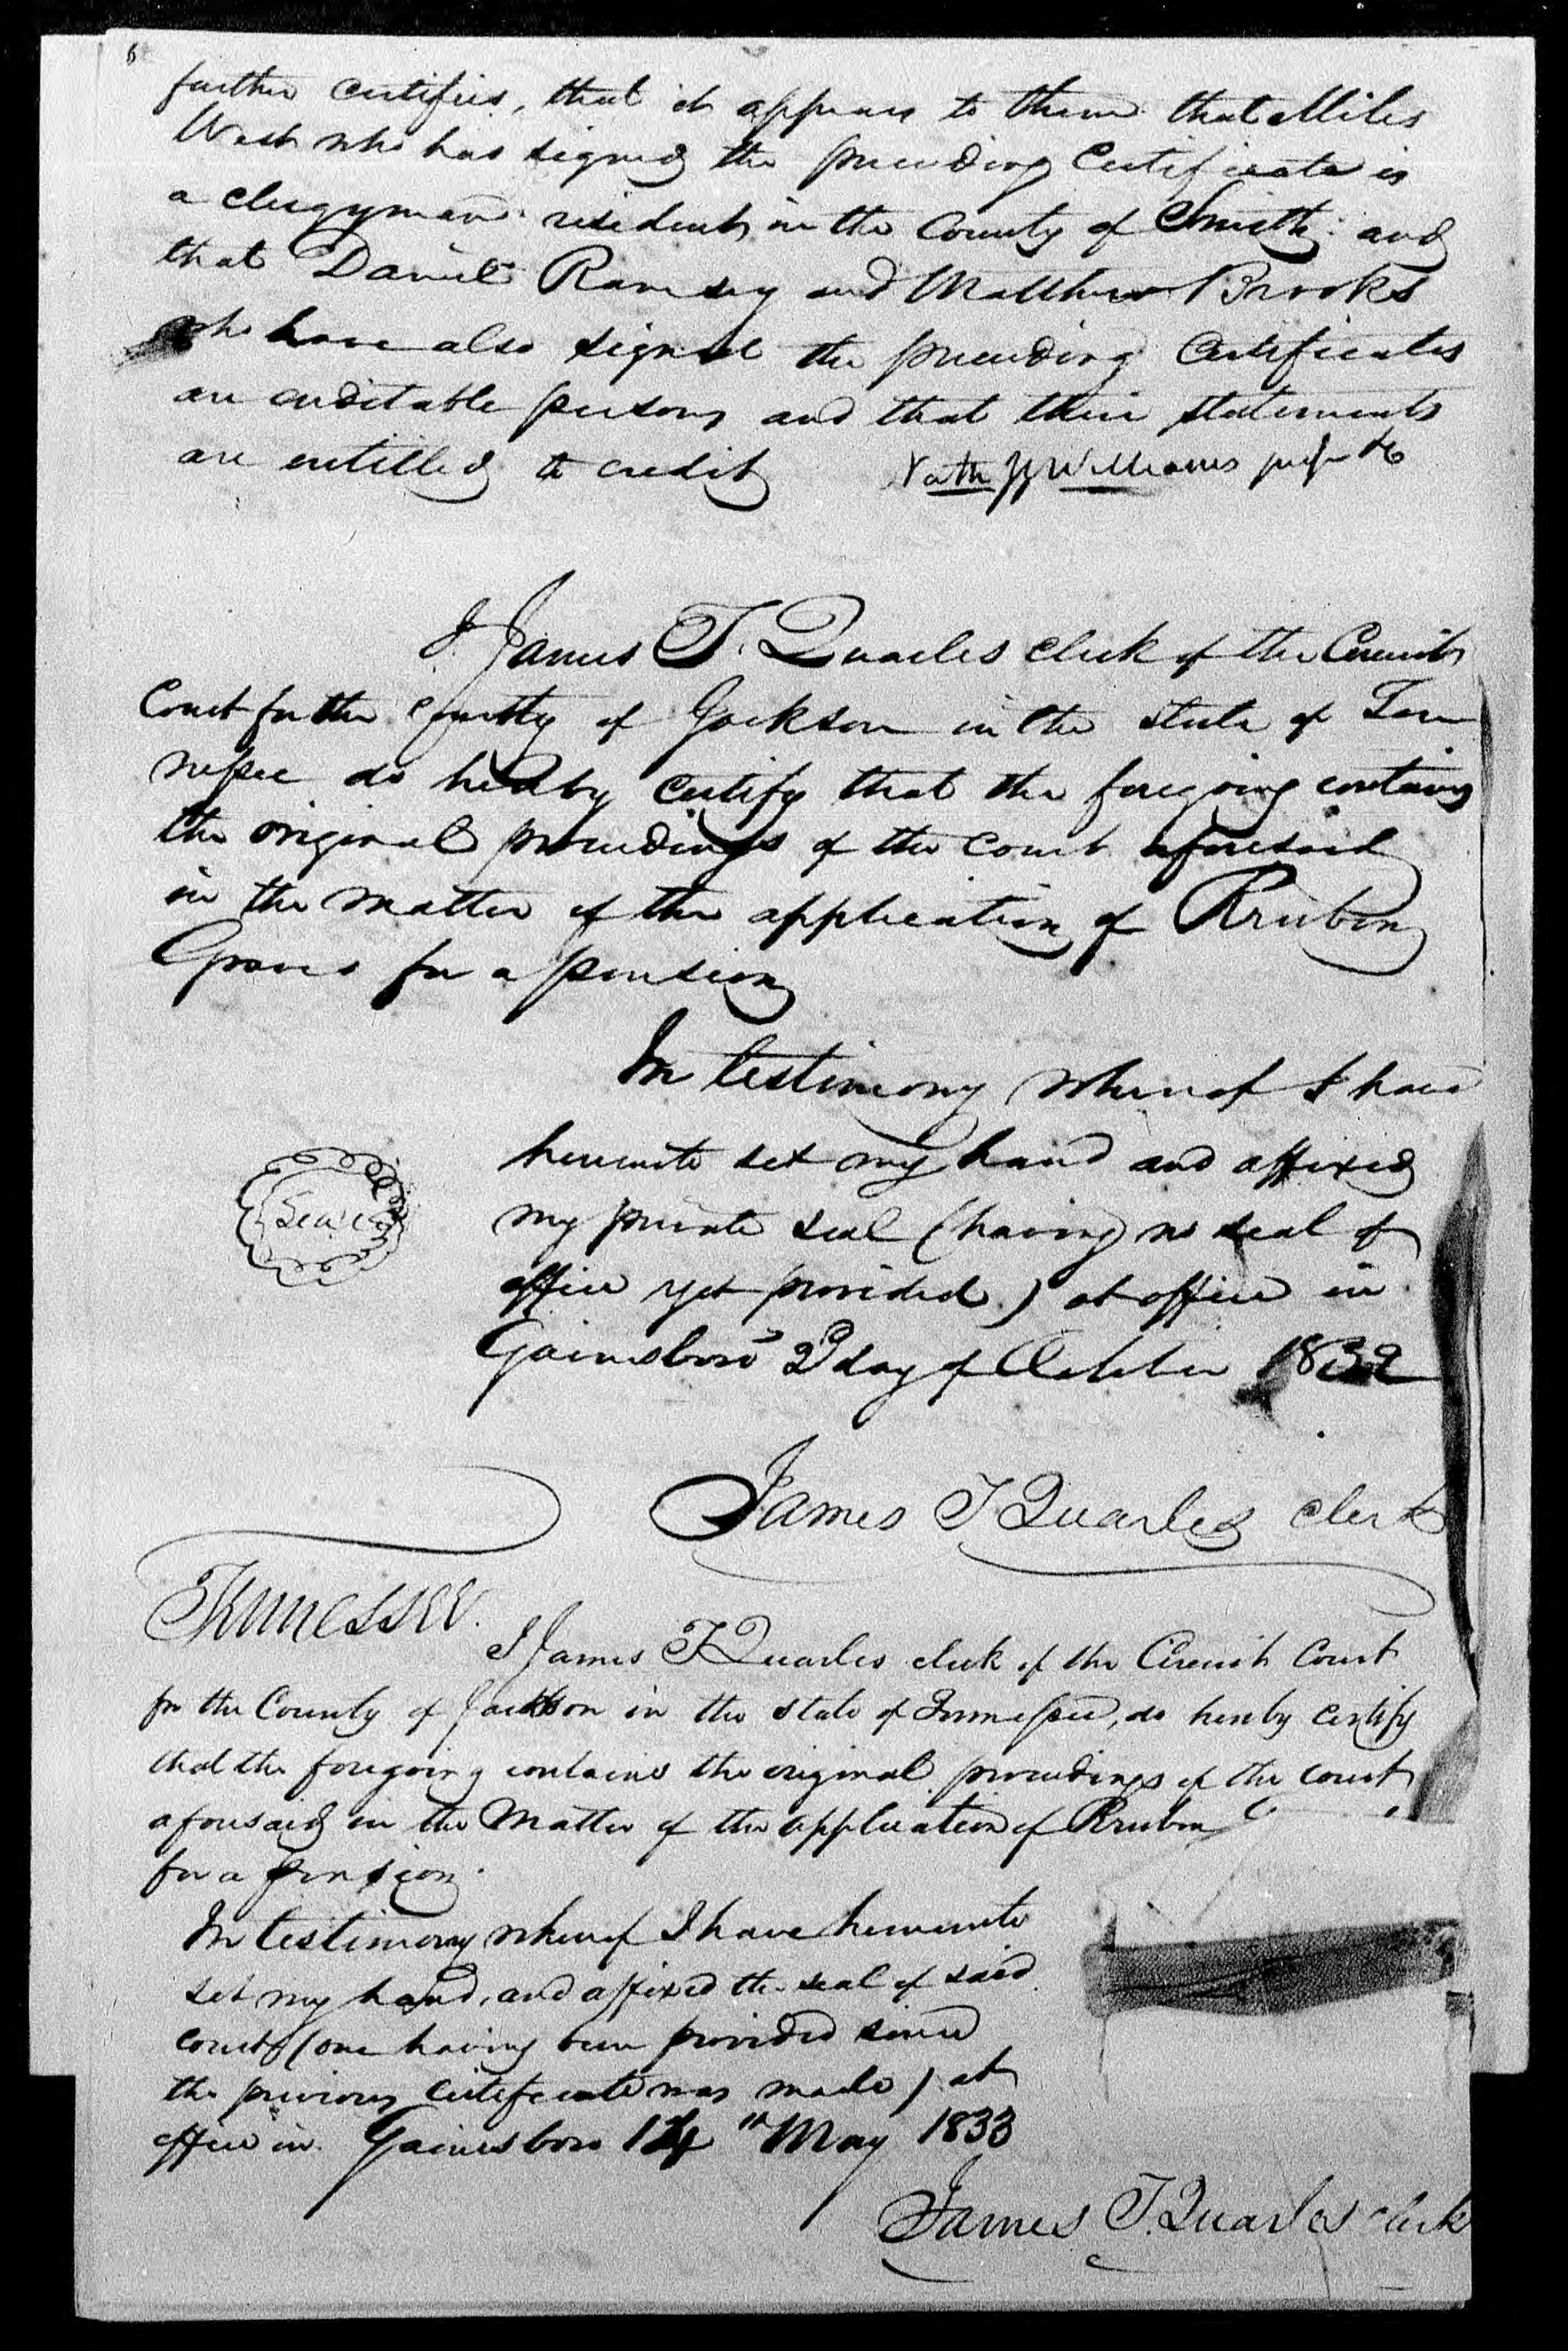further certifies, that it appears to them that Miles West who has signed the preceding certificate is a clergyman, resident in the County of Smith; and that Daniel Ramsey and Matthew Brooks who have also signed the preceding certificates are creditable persons and that their statements are entitled to credit.

Nath W. Williams Judge

I James T. Quarles, clerk of the Circuit Court for the County of Jackson in the state of Tennessee do hereby certify that the foregoing contains the original proceedings of the court aforesaid, in the matter of the application of Ruben Graves fro a pension.

In testimony whereof I have hereunto set my hand and affixed my private seal (having no seal of office yet provided) at offices in Gainsboro 2nd day of October 1832.

James T. Quarles, Clerk

Tennessee

I James T. Quarles, clerk of the Circuit Court for the County of Jackson in the state of Tennessee, do hereby certify that the foregoing contains the original proceedings of the court aforesaid in the matter of the application of Ruben Graves for a pension.

In testimony whereof I have hereunto set my hand and affixed the seal of said county (one having been provided since the previous certificate was made) at offices in Gainsboro 14th May 1833

James T. Quarles Clerk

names: Miles West, James T Quarles, James T Quarles, Matthew Brooks, Nath W Williams, James T Quarles, Daniel Ramsey, Reuben Graves, James T Quarles, Reuben Graves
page: 9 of 22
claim: survivor's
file: S. 3408, Reuben Graves, Va.